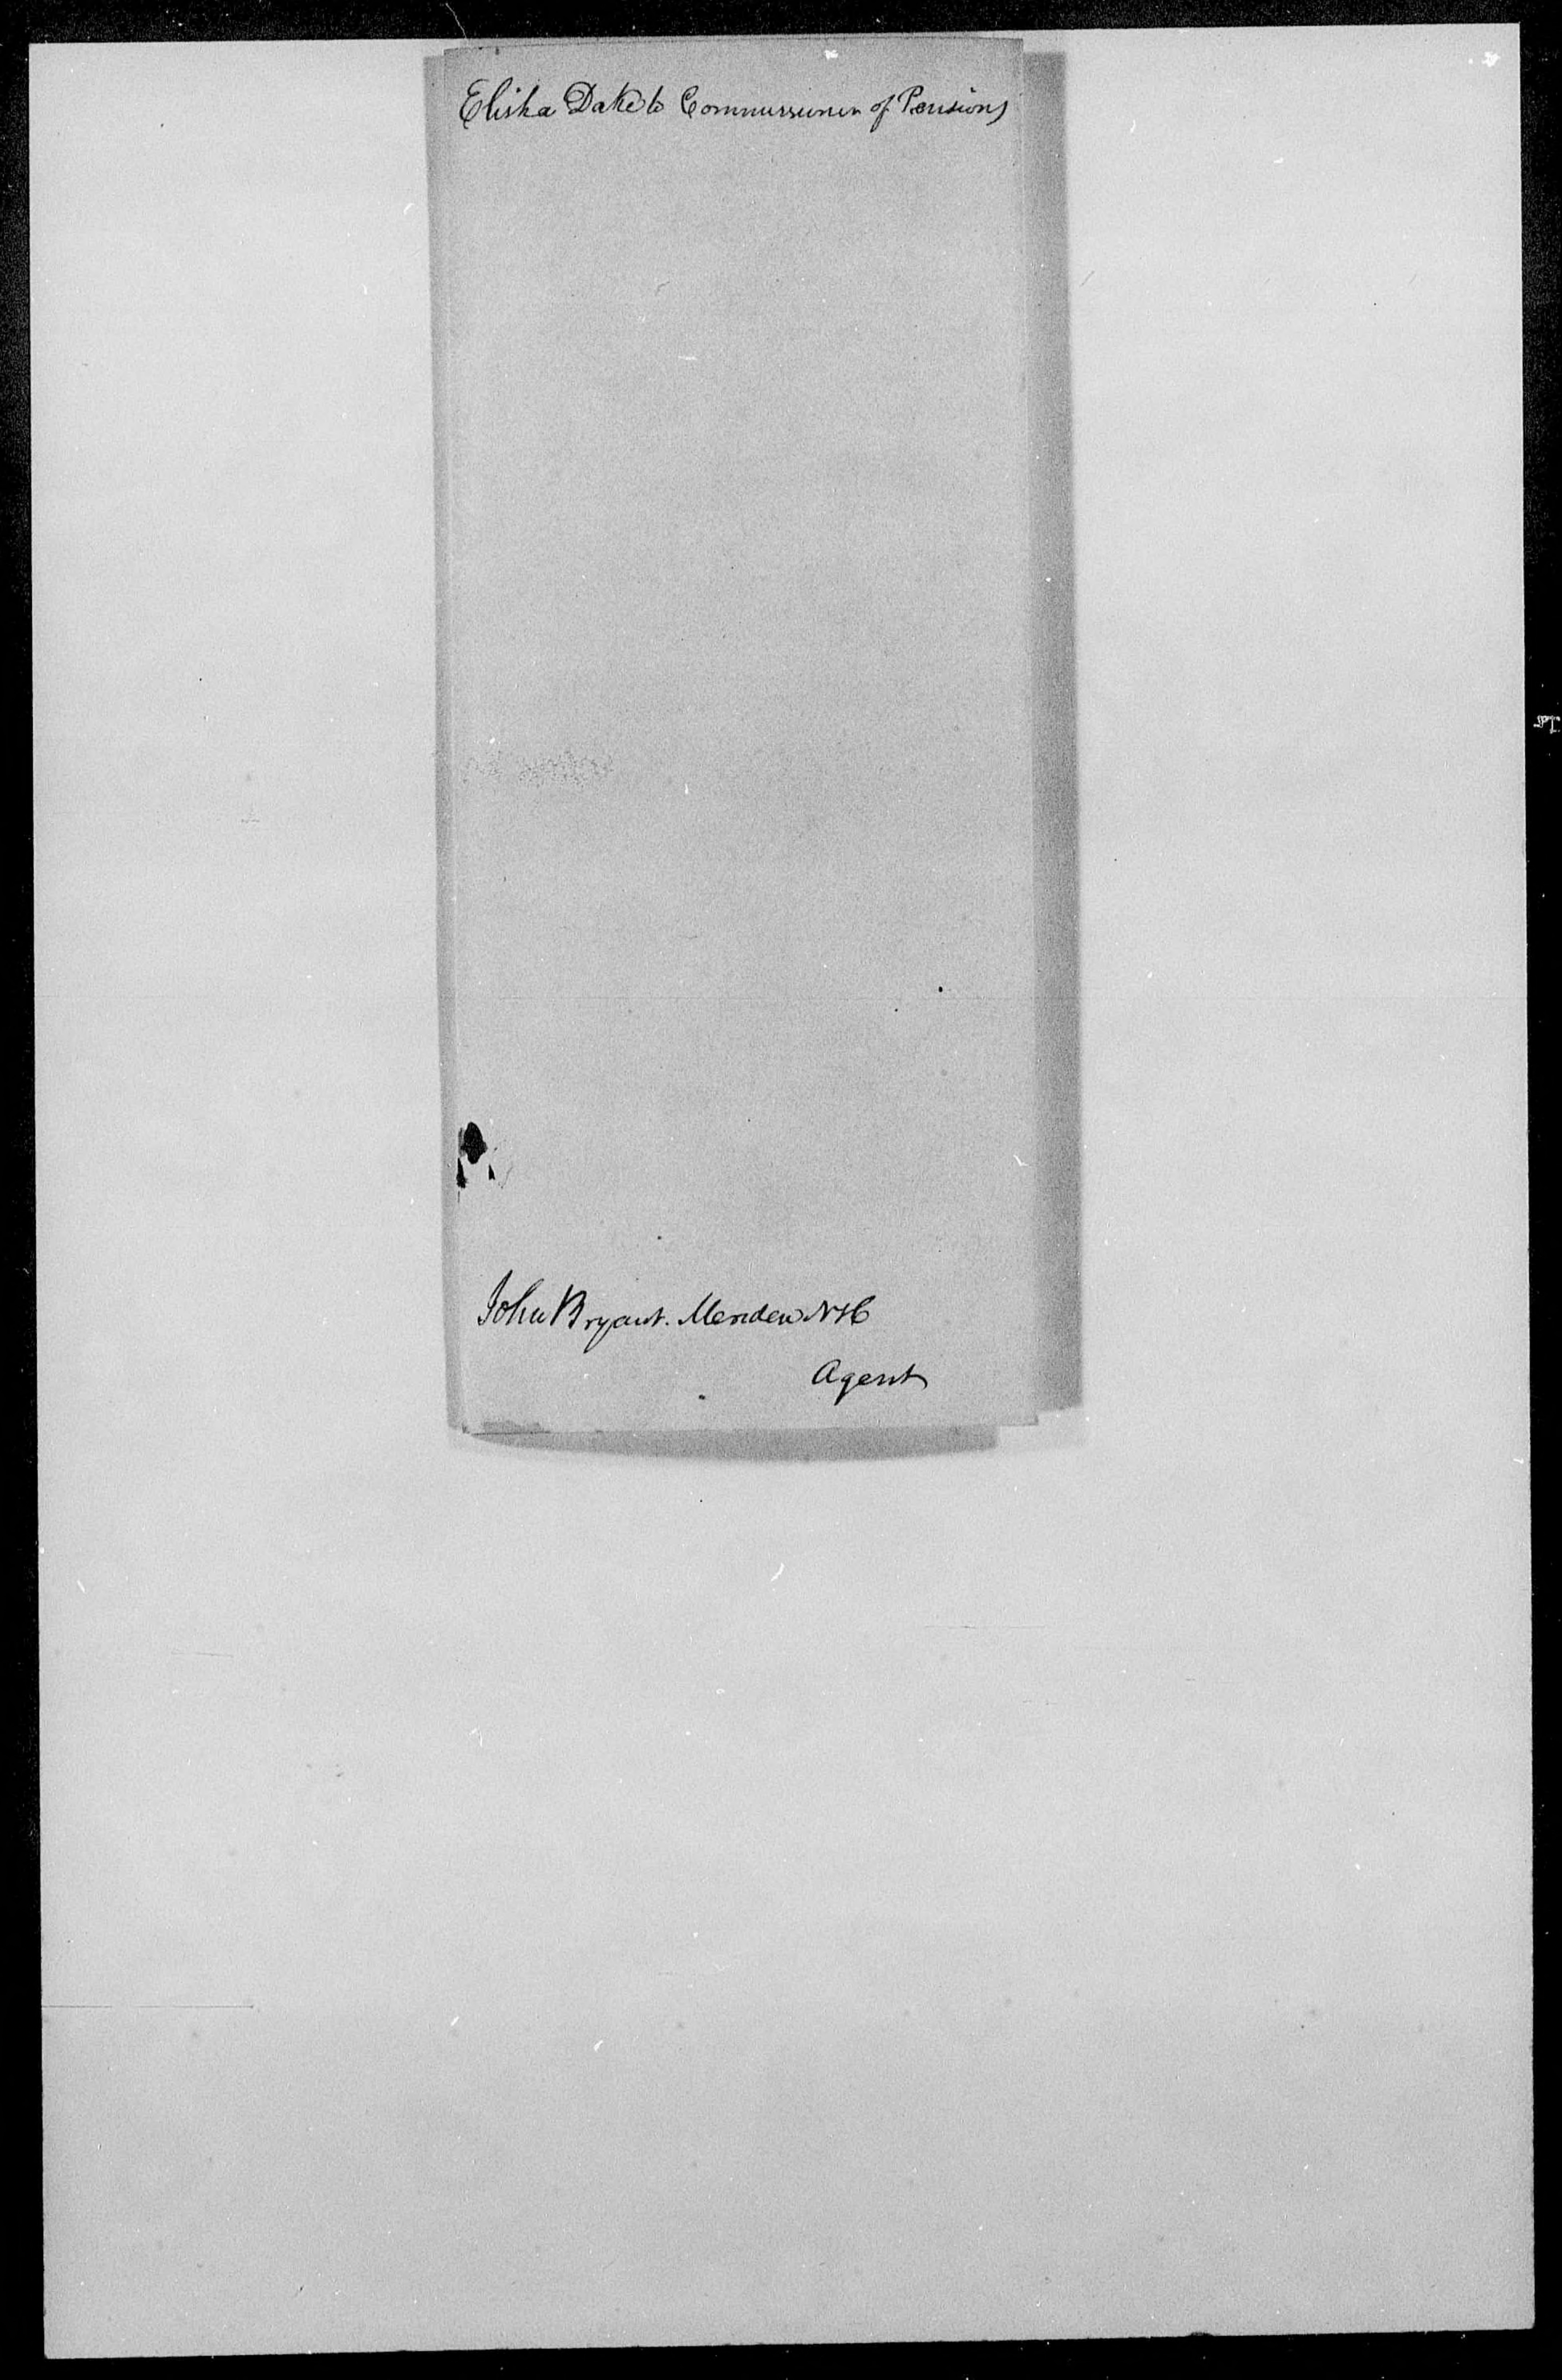Elisha Dake to Commissioner of Pensions
John Bryant Menden NH agent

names: Elisha Dake, John Bryant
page: 9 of 42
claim: rejected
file: R. 2,625, Benjamin Dake, R.I.